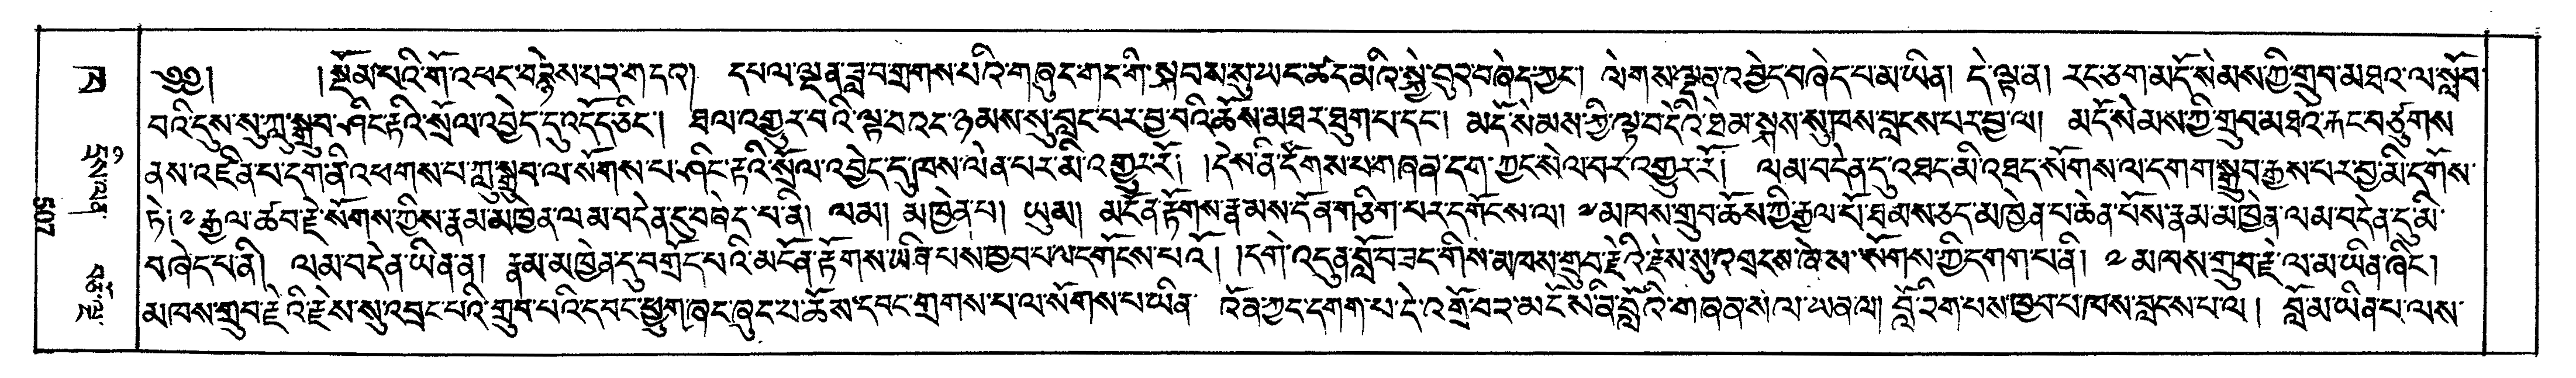༄༅། །སྡོམ་པའི་གོ་འཕང་བརྙེས་པར་གདའ། དཔལ་ལྡན་ཟླ་བ་གྲགས་པ་གཞུང་གང་གི་སྐབས་སུ་ཡང་ཚད་མའི་སྐྱེས་བུར་བཞེད་ཀྱང་། ལེགས་ལྡན་འབྱེད་བཞེད་པ་མ་ཡིན། དེ་ལྟ་ན། རང་ཅག་མདོ་སེམས་ཀྱི་གྲུབ་མཐའ་ལ་སློབ་
པའི་དུས་སུ་ཀླུ་སྒྲུབ་ཤིང་རྟའི་སྲོལ་འབྱེད་དུ་འདོད་ཅིང་། ཐལ་འགྱུར་བའི་ལྟ་བའང་ཉམས་སུ་བླང་བར་བྱ་བའི་ཆོས་མཐར་ཐུག་པ་དང་། མདོ་སེམས་ཀྱི་ལྟ་བ་དེའི་ཐེམ་སྐས་སུ་ཁས་བླངས་པར་བྱ་ལ། མདོ་སེམས་ཀྱི་གྲུབ་མཐའ་རྐང་བཙུགས་
ནས་འཛིན་པ་དག་ནི་འཕགས་པ་ཀླུ་སྒྲུབ་ལ་སོགས་པ་ཤིང་རྟའི་སྒྲོལ་འབྱེད་དུ་ཁས་ལེན་པར་མི་འགྱུར་རོ། །དེས་ནི་དོགས་པ་གཞན་དག་ཀྱང་སེལ་བར་འགྱུར་རོ། །ལམ་བདེན་དུ་འཐད་མི་འཐད་སོགས་ལ་དགག་སྒྲུབ་རྒྱས་པར་བྱ་མི་དགོས་
ཏེ༑ ༧་རྒྱལ་ཚབ་རྗེ་སོགས་ཀྱིས་རྣམ་མཁྱེན་ལམ་བདེན་དུ་བཞེད་པ་ནི། ལམ། མཁྱེན་པ། ཡུམ། མངོན་རྟོགས་རྣམས་དོན་གཅིག་པར་དགོངས་ལ། ༧་མཁས་གྲུབ་ཆོས་ཀྱི་རྒྱལ་པོ་ཐམས་ཅད་མཁྱེན་པ་ཆེན་པོས་རྣམ་མཁྱེན་ལམ་བདེན་དུ་མི་
བཞེད་པ་ནི། ལམ་བདེན་ཡིན་ན། རྣམ་མཁྱེན་དུ་བགྲོད་པའི་མངོན་རྟོགས་ཡིན་པས་ཁྱབ་པ་ལ་དགོངས་པའོ། །དགེ་འདུན་བློ་བཟང་གིས་མཁས་གྲུབ་རྗེའི་རྗེས་སུ་འབྲངས་ཞེས་སོགས་ཀྱི་དགག་པ་ནི། ༧་མཁས་གྲུབ་རྗེ་ལ་མ་ཡིན་ཞིང་།
མཁས་གྲུབ་རྗེའི་རྗེས་སུ་འབྲང་བའི་གྲུབ་པའི་དབང་ཕྱུག་ཞང་ཞུང་པ་ཆོས་དབང་གྲགས་པ་ལ་སོགས་པ་ཡིན་མོད། འོན་ཀྱང་དགག་པ་དེ་འགྲོ་བར་མ་ངེས་ཏེ། བློའི་གཞན་སེལ་ཡིན་ན། བློ་མིན་པས་ཁྱབ་པ་ཁས་བླངས་པ་ལ། བློ་མ་ཡིན་པ་ལས་